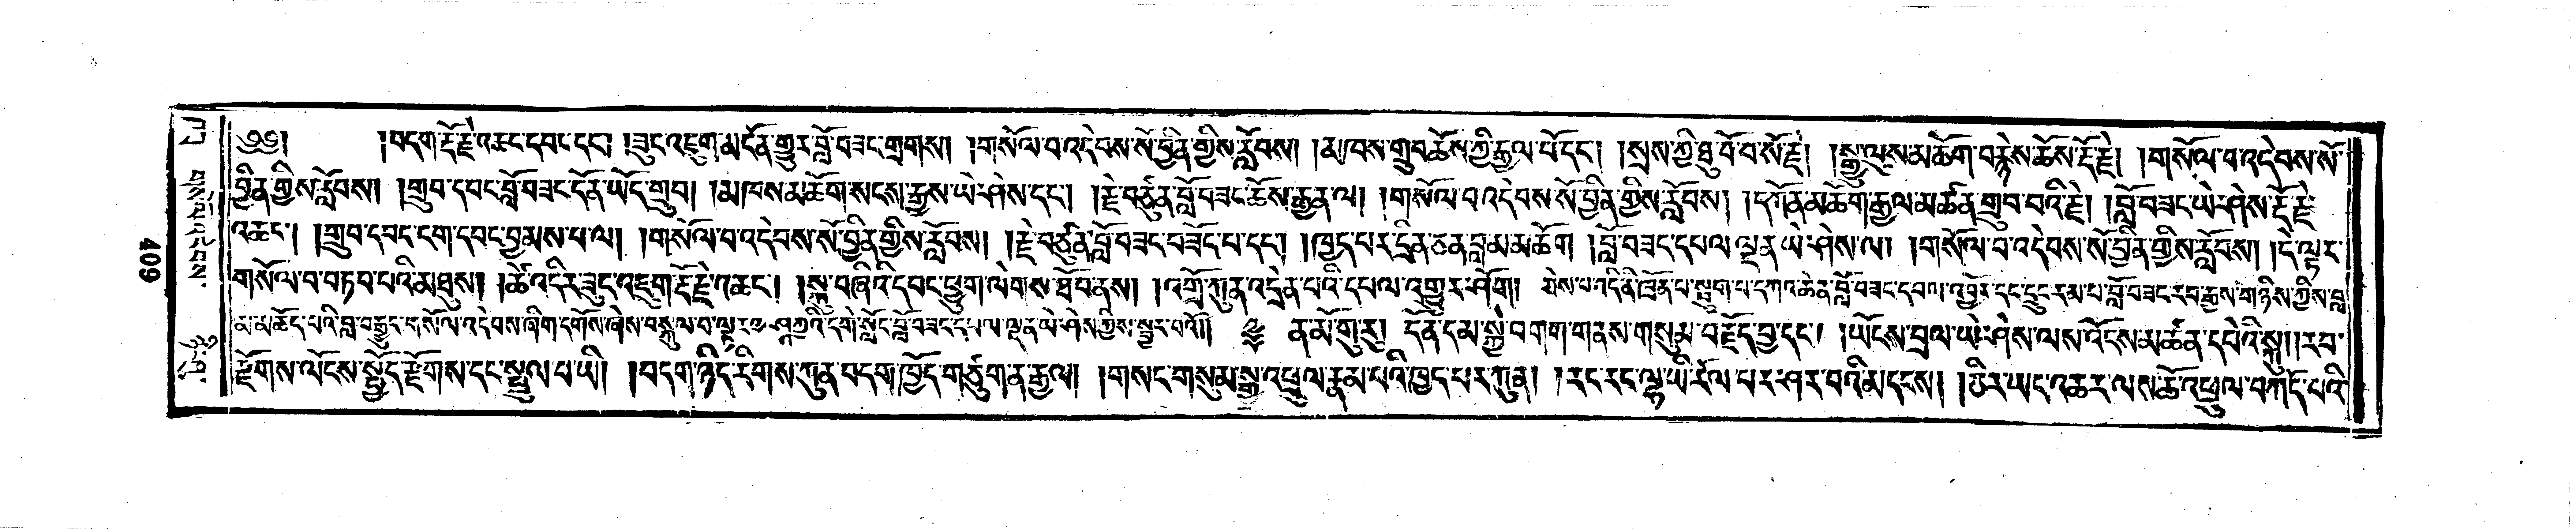༄༅། །བདག་རྡོ་རྗེ་འཆང་དབང་དང་། །ཟུང་འཇུག་མངོན་གྱུར་བློ་བཟང་གྲགས། །གསོལ་བ་འདེབས་སོ་བྱིན་གྱིས་རློབས། །མཁས་གྲུབ་ཆོས་ཀྱི་རྒྱལ་པོ་དང་། །སྲས་ཀྱི་ཐུ་བོ་བ་སོ་རྗེ། །སྒྱུ་ལུས་མཆོག་བརྙེས་ཆོས་རྡོ་རྗེ། །གསོལ་བ་འདེབས་སོ་
བྱིན་གྱིས་རློབས། །གྲུབ་དབང་བློ་བཟང་དོན་ཡོད་གྲུབ། །མཁས་མཆོག་སངས་རྒྱས་ཡེ་ཤེས་དང་། །རྗེ་བཙུན་བློ་བཟང་ཆོས་རྒྱན་ལ། །གསོལ་བ་འདེབས་སོ་བྱིན་གྱིས་རློབས། །དཀོན་མཆོག་རྒྱལ་མཚན་གྲུབ་པའི་རྗེ། །བློ་བཟང་ཡེ་ཤེས་རྡོ་རྗེ་
འཆང་། །གྲུབ་དབང་ངག་དབང་བྱམས་པ་ལ། །གསོལ་བ་འདེབས་སོ་བྱིན་གྱིས་རློབས། །རྗེ་བཙུན་བློ་བཟང་བཟོད་པ་དང་། །ཁྱད་པར་དྲིན་ཅན་བླ་མ་མཆོག །བློ་བཟང་དཔལ་ལྡན་ཡེ་ཤེས་ལ། །གསོལ་བ་འདེབས་སོ་བྱིན་གྱིས་རློབས། །དེ་ལྟར་
གསོལ་བ་བཏབ་པའི་མཐུས། །ཚེ་འདིར་ཟུང་འཇུག་རྡོ་རྗེ་འཆང་། །སྐུ་བཞིའི་དབང་ཕྱུག་ལེགས་ཐོབ་ནས། །འགྲོ་ཀུན་འདྲེན་པའི་དཔལ་འགྱུར་ཤོག། ཅེས་པ་འདི་ནི་ཁྲོན་པ་སྤུགས་དཀའ་ཆེན་བློ་བཟང་དཔལ་འབྱོར་དང་དྲུང་རམ་པ་བློ་བཟང་རབ་རྒྱས་གཉིས་ཀྱིས་བླ་
མ་མཆོད་པའི་བླ་བརྒྱུད་གསོལ་འདེབས་ཞིག་དགོས་ཞེས་བསྐུལ་བ་ལྟར་༧་ཤཱཀྱའི་དགེ་སློང་བློ་བཟང་དཔལ་ལྡན་ཡེ་ཤེས་ཀྱིས་སྦྱར་བའོ།། ༈ ན་མོ་གུ་རུ། དོན་དམ་སྐྱེ་བགག་གནས་གསུམ་བརྗོད་བྱ་དང་། །ཡོངས་བྲལ་ཡེ་ཤེས་ལས་འོངས་མཚན་དཔེའི་སྐུ། །རབ་
རྫོགས་ལོངས་སྤྱོད་རྫོགས་དང་སྤྲུལ་པ་ཡི། །བདག་ཉིད་རིགས་ཀུན་བདག་ཁྱོད་གཙུག་ན་རྒྱལ། །གསང་གསུམ་སྒྱུ་འཕྲུལ་རྣམ་པའི་ཁྱད་པར་ཀུན། །རང་རང་ལྷ་ཡི་རོལ་པར་ཤར་བའི་མདངས། །ཅིར་ཡང་འཆར་ལས་ཆོ་འཕྲུལ་བཀོད་པའི་